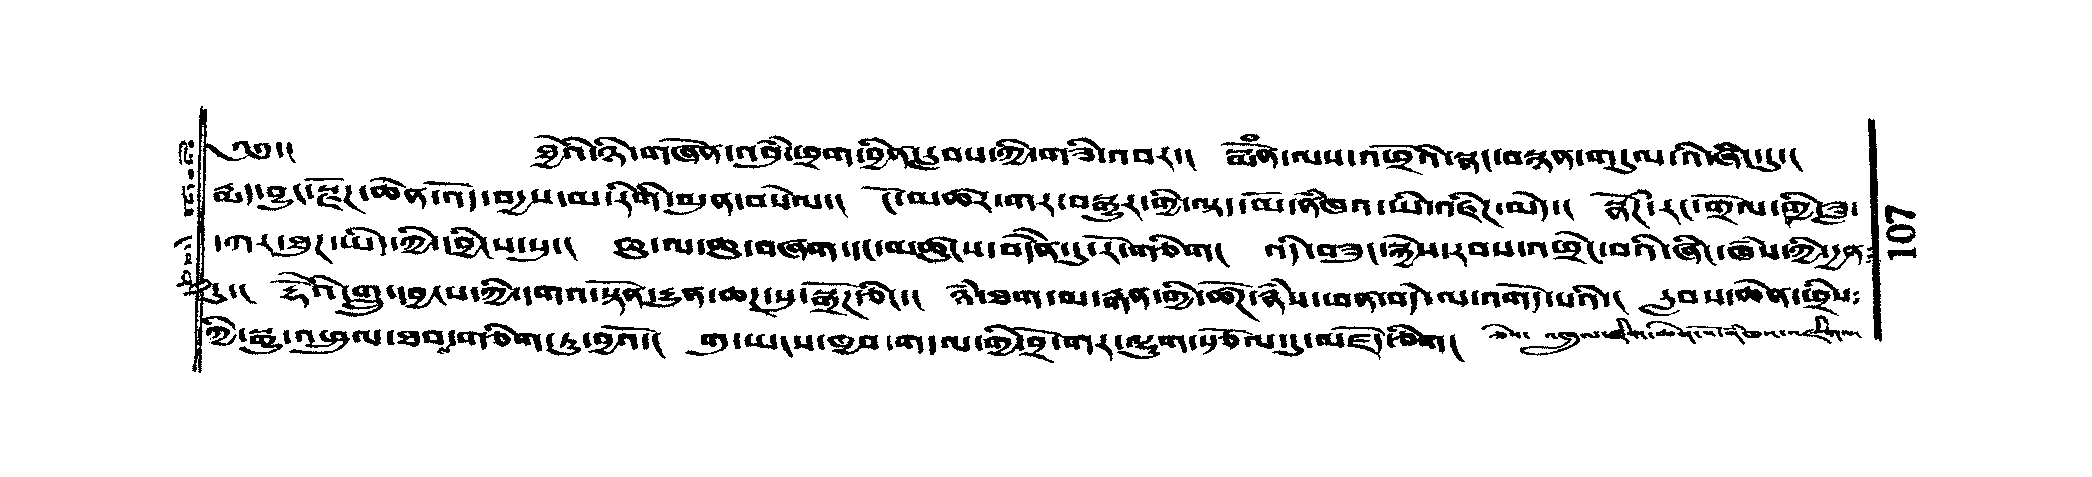ཐུགས་རྗེའི་ཉི་གཞོན་འབུམ་ཕྲག་བྱིན་རླབས་ཀྱི་གཟི་འབར། །སྨོན་ལམ་ལས་འཕྲོའི་སྣང་བརྙན་གདུལ་བྱ་ཡི་ཞིང་དུ། །
རྨད་བྱུང་རྫོགས་ཆེན་འོད་བརྒྱས་མ་རིག་གི་མུན་བསལ། །ངོ་མཚར་གར་བསྒྱུར་གྱི་ལྟད་མོ་ནམ་མཁའ་ཡི་འཇིགས་མེད། །སྣ་ཚོགས་རང་གྲོལ་གྱི་ཟླ་
དཀར་ཐུགས་ཡིད་ཀྱི་དབྱིངས་སུ། །ཆུ་ལ་ཆུ་བཞག་དང་མཚུངས་བདེ་ཆེན་དུ་རོ་གཅིག །འདི་བཟུང་སྐྱེས་རབས་འཕྲེང་བའི་ཞིང་ཁམས་ཀྱི་རྒྱན་
དུ། །རྡོ་རྗེ་གླུ་དབྱངས་ཀྱི་དགའ་སྟོན་རྒྱུན་ཆགས་སུ་སྒྲོག་ཅིང་། །ཉམས་ཐག་མ་རྒན་གྱི་ཚོགས་རྣམས་ཕན་བདེ་ལ་འགོད་པའི། །རླབས་ཆེན་ཕྲིན་ལས་
ཀྱི་སྒྱུ་འཕྲུལ་ཐབས་གཅིག་ཏུ་བྱའོ། །གུ་ཡངས་ཁྱབ་གདལ་གྱི་བྲོ་གར་ལྷུག་རྩོལ་དུ་མཛོད་ཅིག །ཅེས་འཁྲུལ་ཞིག་ཆེན་པོ་ནམ་མཁའ་འཇིགས་